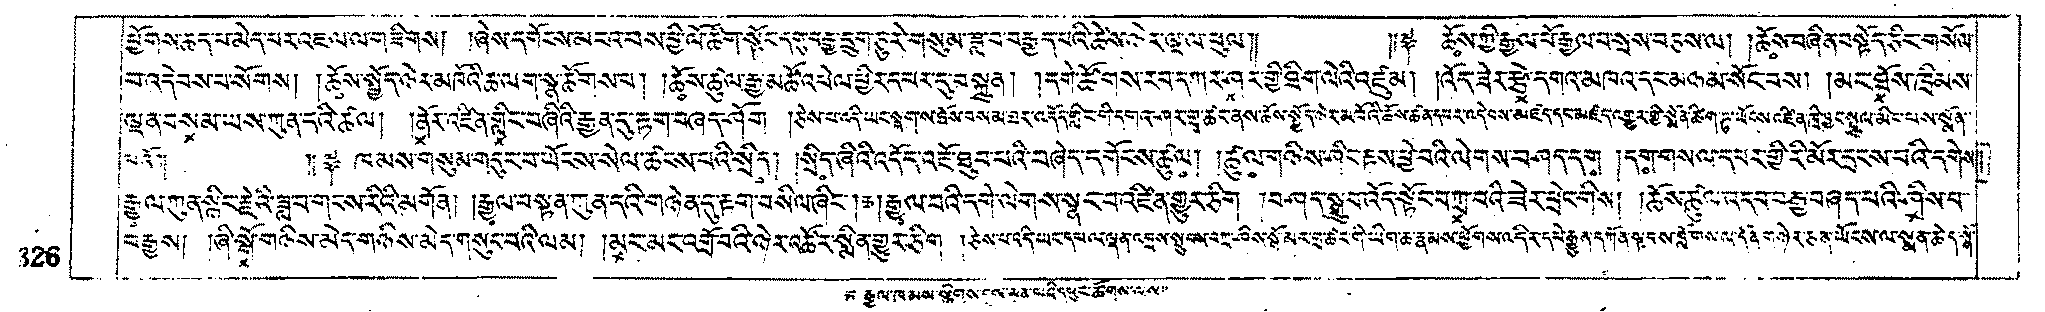ཕྱོགས་ཆད་པ་མེད་པར་འཇལ་ལ་གཟིགས། །ཞེས་དགོངས་མངའ་བས་ཕྱི་ལོ་ཆིག་སྟོང་དགུ་བརྒྱ་དྲུག་ཅུ་རེ་གསུམ་ཟླ་བ་བརྒྱད་པའི་ཚེས་ཉེར་ལྔ་ལ་ཕུལ།། །།འ་ཆོས྾་ཀྱི་རྒྱལ་པོ་རྒྱལ་བ་སྲས་བཅས་ལ། །ཆོས྾་བཞིན་བསྟོད་ཅིང་གསོལ་
བ་འདེབས་པ་སོགས། །ཆོས྾་སྤྱོད་ཉེར་མཁོའི་ཆ་ལག་སྣ་ཚོགས་པ། །ཆོས྾་ཚུལ་རྒྱ་མཚོ་འཕེལ་ཕྱིར་དཔར་དུ་བསྐྲུན། །དགེ་ཚོགས་རབ་དཀར་྾་ཤར་གྱི་ཐིག་ལེའི་འཛུམ། །འོད་ཟེར་རྩེ་྾་དགའ་མཁའ་དང་མཉམ་སོང་བས། །མང་ཐོས྾་ཁྲིམས་
ལྡན་བསམ་ཡས་ཀུན་དའི་ཚལ། །ནོར྾་འཛིན་གླིང་བཞིའི་རྒྱན་དུ་རྟག་བཞད་ཤོག །ཅེས་པ་འདི་ཡང་སྣག་ས་ཐོས་བསམ་ཐར་འདོད་གླིང་གི་དགའ་ཤར་གྲྭ་ཚང་ནས་ཆོས་སྤྱོད་ཉེར་མཁོའི་ཆོས་ཚན་དཔར་འདེབས་མཛད་དང་མཛད་འགྱུར་གྱི་སྨོན་ཚིག་ཏུ་ཡོངས་འཛིན་ཁྲི་བྱང་སྤྲུལ་མིང་པས་སྨོན་་་
པའོ།། །།འ་ཁམས་གསུམ་གདུང་བ་ཡོངས་སེལ་ཚངས་པའི་སྲིད྾། །སྲིད྾་ཞིའི་འདོད་འཇོ་ཐུབ་པའི་བཞེད་དགོངས་ཚུལ྾། །ཚུལ྾་གཉིས་ཤིང་རྟས་ཕྱེ་བའི་ལེགས་བཤད་དག྾་།དག྾་གསལ་དཔར་གྱི་རི་མོར་དྲངས་པའི་དགེས། །
རྒྱལ྾་ཀུན་སྙིང་རྗེའི་ཟླ་བ་གངས་རིའི་མགོན། །རྒྱལ྾་བསྟན་ཀུན་དའི་གཉེན་དུ་རྟག་བསིལ་ཞིང་། །རྒྱལ྾་བའི་དགེ་ལེགས་སྔང་བ་འཛིན་གྱུར་ཅིག །བཤད་སྒྲུབ་འོད་སྟོང་བཀྲ་བའི་ཟེར་ཕྲེང་གིས། །ཆོས་ཚུལ་འདབ་བརྒྱ་བཞད་པའི་ཤིས་པ་་་
བརྒྱས། །ཞི་སྒོ྾་གཉིས་མེད་གཉིས་མེད་གསུང་བའི་ལམ། །མང྾་མང་འགྲོ་བའི་ཉེར་འཚོར་སྨིན་གྱུར་ཅིག །ཅེས་པ་འདི་ཡང་དཔལ་ལྡན་འབྲས་སྤུངས་བཀྲ་ཤིས་སྒོ་མང་གྲ་ཚང་གི་ཡིག་ཆ་རྣམས་ཕྱོགས་འདིར་དཔེ་རྒྱུན་དཀོན་སྟབས་བློ་གསལ་དོན་གཉེར་ཅན་ཡོངས་ལ་སྨན་ཆེད་སྒོ་